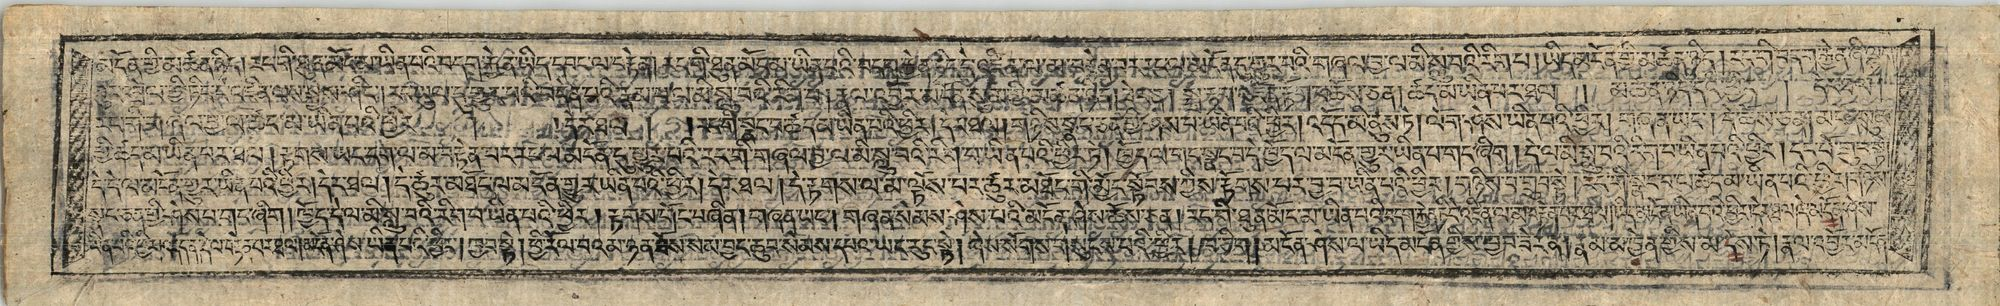མངོན་གྱི་མཚན་ཉིད། རང་གི་ཐུན་མོང་མ་ཡིན་པའི་བདག་རྐྱེན་ཡིད་དབང་ལ་བརྟེན། རང་གི་ཐུན་མོང་མ་ཡིན་པའི་བདག་རྐྱེན་ཏིང་ངེ་འཛིན་ལ་མ་བརྟེན་པར་རང་ལ་མངོན་དུ་གྱུར་བའི་གཞལ་བྱ་ལ་མི་སླུ་བའི་རིག་པ། ཡིད་མངོན་གྱི་མཚན་ཉིད། རང་གི་བདག་རྐྱེན་ཞི་ལྷག་
ཟུར་འབྲེལ་གྱི་ཏིང་ངེ་འཛིན་ལས་སྐྱེས་ཤིང་། རང་ཡུལ་དུ་གྱུར་བའི་བདེན་པའི་རྣམ་པ་ལ་མི་སླུ་བའི་རིག་པ། རྣལ་འབྱོར་མངོན་སུམ་གྱི་མཚན་ཉིད། ཟེར་ན། སྒྲ་རྟག་འཛིན་རྟོག་པ་ཆོས་ཅན། ཚད་མ་ཡིན་པར་ཐལ། མཚན་ཉིད་དེའི་ཕྱིར། དེར་ཐལ།
རང་གི་གཞལ་བྱ་ལ་ཚད་མ་ཡིན་པའི་ཕྱིར། །དེར་ཐལ། རང་གི་སྣང་བ་ལ་ཚད་མ་ཡིན་པའི་ཕྱིར། དེར་ཐལ། གཉིས་སྣང་ཅན་གྱི་ཤེས་པ་ཡིན་པའི་ཕྱིར། འདོད་མི་ནུས་ཏེ། ལོག་ཤེས་ཡིན་པའི་ཕྱིར། གཞན་ཡང་། དེ་ཆོས་ཅན། མངོན་སུམ་
གྱི་ཚད་མ་ཡིན་པར་ཐལ། རྟགས་ཡང་དག་ལ་མ་བརྟེན་པར་རང་ལ་མངོན་དུ་གྱུར་པའི་རང་གི་གཞལ་བྱ་ལ་མི་སླུ་བའི་རིག་པ་ཡིན་པའི་ཕྱིར་ཏེ། ཁྱོད་ལ་གང་སྣང་བ་དེ་ཁྱོད་ལ་མངོན་གྱུར་ཡིན་པ་གང་ཞིག །དེ་ལ་མི་སླུ་བའི་རིག་པ་ཡིན་པའི་ཕྱིར། དང་པོ་གྲུབ་སྟེ།
དེ་དེ་ལ་མངོན་གྱུར་ཡིན་པའི་ཕྱིར། དེར་ཐལ། དེ་ཚུར་མཐོང་ལ་མངོན་གྱུར་ཡིན་པའི་ཕྱིར། དེར་ཐལ། དེ་རྟགས་ལ་མ་ལྟོས་པར་ཚུར་མཐོང་གི་མྱོང་སྟོབས་ཀྱིས་རྟོགས་པར་བྱ་བ་ཡིན་པའི་ཕྱིར། གཉིས་པ་གྲུབ་སྟེ། རང་གི་སྣང་བ་ལ་ཚད་མ་ཡིན་པའི་ཕྱིར། གཉིས་
སྣང་ཅན་གྱི་ཤེས་པ་གང་ཞིག །ཁྱོད་དེ་ལ་མི་སླུ་བའི་རིག་པ་ཡིན་པའི་ཕྱིར། རྟགས་གོང་བཞིན། གཞན་ཡང་། གཞན་སེམས་ཤེས་པའི་མངོན་ཤེས་ཆོས་ཅན། རང་གི་ཐུན་མོང་མ་ཡིན་པའི་བདག་རྐྱེན་ཏིང་ངེ་འཛིན་ལ་མ་བརྟེན་པར་ཐལ། ཡིད་མངོན་ཡིན་པའི་ཕྱིར། དེར་ཐལ། དེ་མངོན་ཤེས་
ཡིན་པའི་ཕྱིར། འདོད་ན། དེ་ལ་བརྟེན་པར་ཐལ། མངོན་ཤེས་ཡིན་པའི་ཕྱིར། ཁྱབ་སྟེ། ཕྱི་རོལ་པའམ་ཉན་ཐོས་སམ་བྱང་ཆུབ་སེམས་དཔའ་ཡང་རུང་སྟེ། ཞེས་སོགས་གསུངས་པའི་ཕྱིར། ཁ་ཅིག །མངོན་ཤེས་ལ་ཡིད་མངོན་གྱིས་ཁྱབ་ཟེར་ན། རྣམ་མཁྱེན་གྱིས་མ་ངེས་ཏེ། རྣལ་འབྱོར་མངོན་